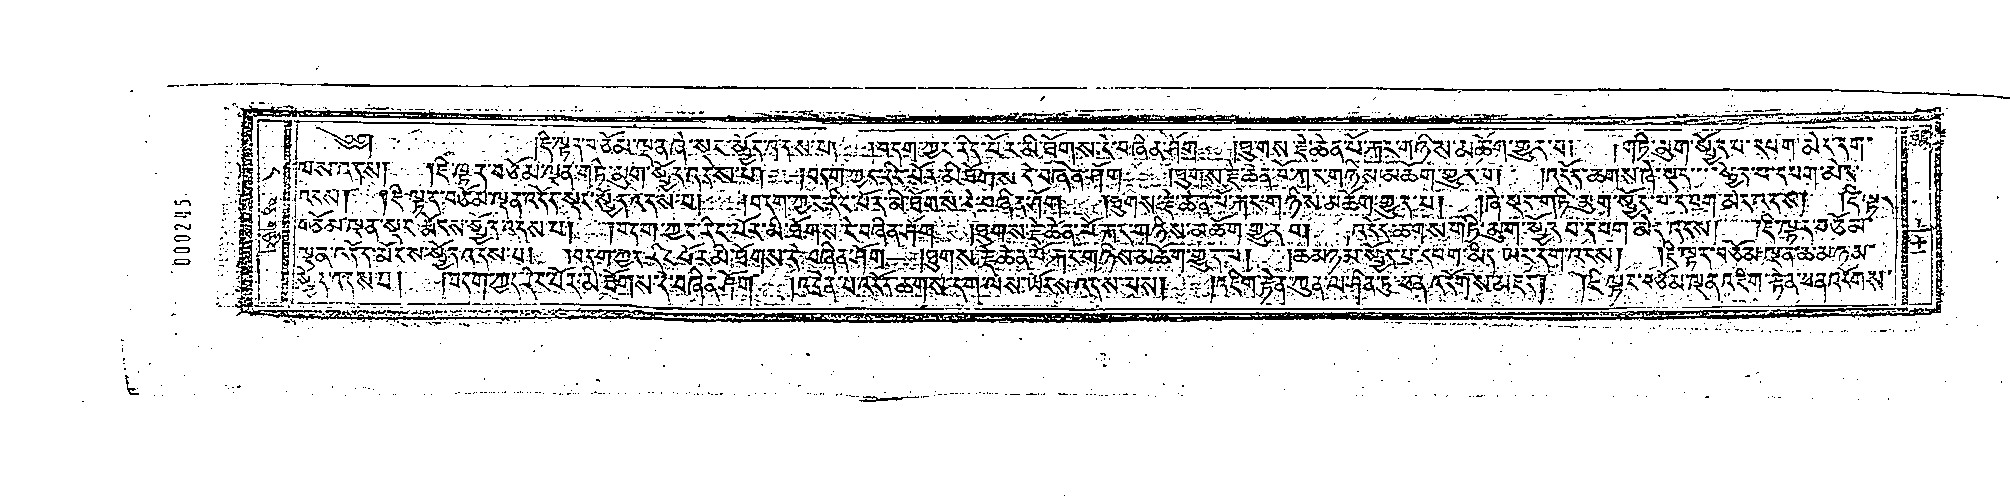༄༅། །ཇི་ལྟར་བཅོམ་ལྡན་ཞེ་སྡང་སྤྱོད་འདས་པ། །བདག་ཀྱང་རིང་པོར་མི་ཐོགས་དེ་བཞིན་ཤོག །ཐུགས་རྗེ་ཆེན་པོ་རྐང་གཉིས་མཆོག་གྱུར་པ། གཏི་མུག་སྤྱོད་པ་དཔག་མེད་དག་
ལས་འདས། །ཇི་ལྟར་བཅོམ་ལྡན་གཏི་མུག་སྤྱོད་འདས་པ། །བདག་ཀྱང་རིང་པོར་མི་ཐོགས་དེ་བཞིན་ཤོག །ཐུགས་རྗེ་ཆེན་བོ་ཀང་གཉིས་མཆོག་གྱུར་པ། །འདོད་ཆགས་ཞེ་སྡང་སྤྱོད་པ་དཔག་མེད་
འདས། །ཇི་ལྟར་བཅོམ་ལྡན་འདོད་སྡང་སྤྱོད་འདས་པ། །བདག་ཀྱང་རིང་པོར་མི་ཐོགས་དེ་བཞིན་ཤོག །ཐུགས་རྗེ་ཆེན་པོ་རྐང་གཉིས་མཆོག་གྱུར་པ། །ཞེ་སྡང་གཏི་མུག་སྤྱོད་པ་དཔག་མེད་འདས། །ཇི་ལྟར་
བཅོམ་ལྡན་སྡང་རྨོངས་སྤྱོད་འདས་པ། །བདག་ཀྱང་རིང་པོར་མི་ཐོགས་དེ་བཞིན་ཤོག །ཐུགས་རྗེ་ཆེན་པོ་རྐང་གཉིས་མཆོག་གྱུར་བ། འདོད་ཆགས་གཏི་མུག་སྤྱོད་པ་དཔག་མེད་འདས། །ཇི་ལྟར་བཅོམ་
ལྡན་འདོད་མོངས་སྤྱོད་འདས་པ། །བདག་ཀྱང་རིང་པོར་མི་ཐོགས་དེ་བཞིན་ཤོག །ཐུགས་རྗེ་ཆེན་པོ་རྐང་གཉིས་མཆོག་གྱུར་པ། །ཆ་མཉམ་སྤྱོད་པ་དཔག་མེད་ཡང་དག་འདས། །ཇི་ལྟར་བཅོམ་ལྡན་ཆ་མཉམ་
སྤྱོད་འདས་པ། །བདག་ཀྱང་རིང་པོར་མི་ཐོགས་དེ་བཞིན་ཤོག །འདྲེན་པ་འདོད་ཆགས་དག་ལས་ཡོངས་འདས་པས། །འཇིག་རྟེན་ཀུན་ལ་ཤིན་ཏུ་ཕན་འདོགས་མཛད། །ཇི་ལྟར་བཅོམ་ལྡན་འཇིག་རྟེན་ཕན་འདོགས་